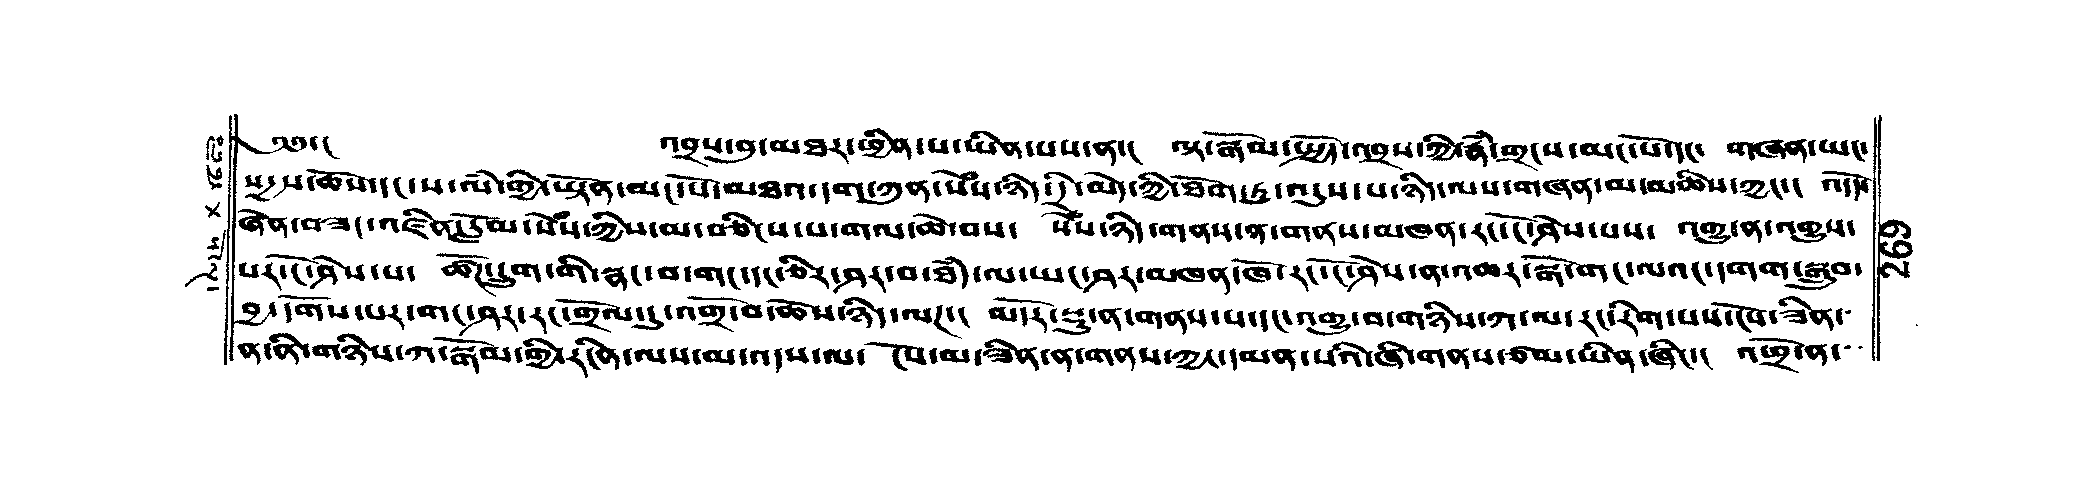འབྲས་བུ་མཐར་ཕྱིན་པ་ཡིན་པས་ན། ལྟ་སྒོམ་སྤྱོད་འབྲས་ཀྱི་རྣམ་གྲངས་མང་པོ་དང། གཞན་ཡང་
སངས་རྒྱས་ཆོས་དང་ས་ལམ་གྱི་ཡོན་ཏན་མང་པོ་མཐའ་དག་ཀྱང་སེམས་ཉིད་དྲི་མེད་ཀྱི་ཐོག་ཏུ་འདུས་པ་ཉིད་ལས་གཞན་མ་མཆིས་ཀྱང་། འདོད་
ཞེན་བཟང་འཛིན་རློམ་སེམས་ཀྱིས་མ་བཅིངས་པ་གལ་ཆེ་བས། སེམས་ཉིད་གནས་ན་གནས་མཁན་རང་ངོ་ཤེས་པས། འགྱུ་ན་འགྱུས་
པར་ངོ་ཤེས་པ། ཚོགས་དྲུག་གི་སྣང་བ་གང་དང་ཅིར་ཤར་བ་ཐམས་ཅད་ལ་ཡང་ཤར་མཁན་ཁོ་རང་ངོ་ཤེས་ན་འཆར་སྒོ་གང་ལའང་དགག་སྒྲུབ་
བྱ་མ་དགོས་པར་གང་ཤར་རང་གྲོལ་དུ་འགྲོ་བ་ཆོས་ཉིད་ལགས། མདོར་སྡུ་གནས་པ་དང་འགྱུ་བ་གཉིས་ཀ་ལ་རང་རིག་པས་ངོས་ཟིན་
ན་ནི་གཉིས་ཀ་སྒོམ་གྱི་རང་བཞིན་ལས་མ་འདས་ལ། ངོས་མ་ཟིན་ན་གནས་ཀྱང་དམན་པའི་ཞི་གནས་ཙམ་ཡིན་ཞིང་། འཕྲོ་ན་